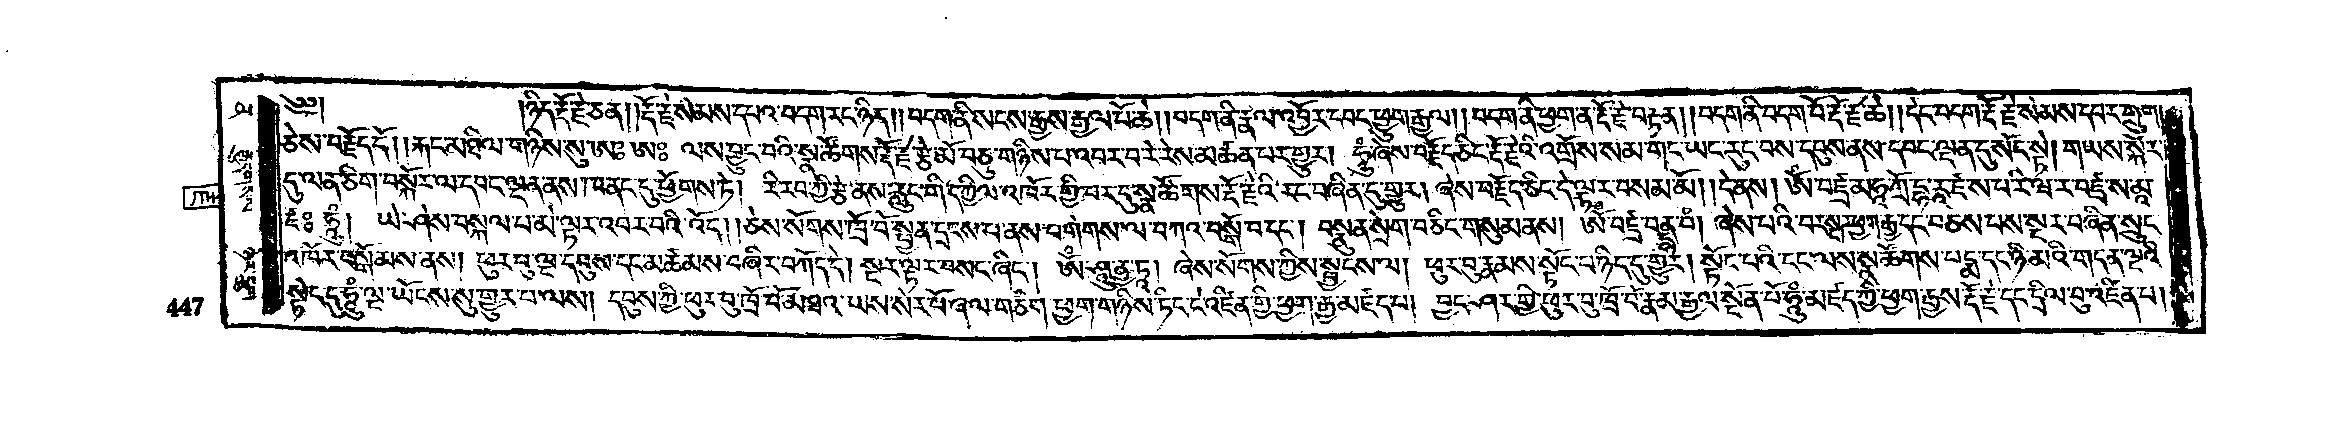༄༅། །ཉིད་རྡོ་རྗེ་ཅན། །རྡོ་རྗེ་སེམས་དཔའ་བདག་རང་ཉིད། །བདག་ནི་སངས་རྒྱས་རྒྱལ་པོ་ཆེ། །བདག་ནི་རྣལ་འབྱོར་དབང་ཕྱུག་རྒྱལ། །བདག་ནི་ཕྱག་ན་རྡོ་རྗེ་བརྟན། །བདག་ནི་བདག་པོ་རྡོ་རྗེ་ཆེ། །དེང་བདག་རྡོ་རྗེ་སེམས་དཔར་གྲུབ།།
ཅེས་བརྗོད་དོ། །རྐང་མཐིལ་གཉིས་སུ་ཨཿ ཨཿ ལས་བྱུང་བའི་སྣ་ཚོགས་རྡོ་རྗེ་རྩེ་མོ་བཅུ་གཉིས་པ་འབར་བ་རེ་རེས་མཚན་པར་གྱུར། ཧཱུཾ་ཞེས་བརྗོད་ཅིང་རྡོ་རྗེའི་འགྲོས་སམ་གང་ཡང་རུང་བས་དབུས་ནས་དབང་ལྡན་དུ་སོང་སྟེ། གཡས་སྐོར་
དུ་ལན་ཅིག་བསྐོར་ལ་དབང་ལྡན་ནས་ཁ་ནང་དུ་ཕྱོགས་ཏེ། རི་རབ་ཀྱི་རྩེ་ནས་རླུང་གི་དཀྱིལ་འཁོར་གྱི་བར་དུ་སྣ་ཚོགས་རྡོ་རྗེའི་རང་བཞིན་དུ་གྱུར། ཞེས་བརྗོད་ཅིང་དེ་ལྟར་བསམ་མོ། །དེ་ནས། ཨོཾ་བཛྲ་མཧཱ་ཀྲོ་དྷ་རཱ་ཛ་ས་པ་རི་ཝཱ་ར་བཛྲ་ས་མཱ་
ཛཿ ཧཱུཾ། ཡེ་ཤེས་བསྐལ་པ་མེ་ལྟར་འབར་བའི་འོད། །ཅེས་སོགས་ཁྲོ་བོ་སྤྱན་དྲངས་པ་ནས་བགེགས་ལ་བཀའ་བསྒོ་བ་དང་། བསྣུན་སྲེག་བཅིང་གསུམ་ནས། ཨོཾ་བཛྲ་བནྡྷ་བཾ། ཞེས་པའི་བར་སྔགས་ཕྱག་རྒྱ་དང་བཅས་པས་སྔར་བཞིན་སྲུང་
འཁོར་བསྒོམས་ནས། ཕུར་བུ་ལྔ་དབུས་དང་མཚམས་བཞིར་བཀོད་དེ། སྔར་ལྟར་བསང་ཞིང་། ཨོཾ་ཤཱུ་ནྱ་ཏཱ། ཞེས་སོགས་ཀྱིས་སྦྱངས་ལ། ཕུར་བུ་རྣམས་སྟོང་པ་ཉིད་དུ་གྱུར། སྟོང་པའི་ངང་ལས་སྣ་ཚོགས་པདམ་དང་ཉི་མའི་གདན་ལྔའི་
སྟེང་དུ་ཧཱུཾ་ལྔ་ཡོངས་སུ་གྱུར་པ་ལས། དབུས་ཀྱི་ཕུར་བུ་ཁྲོ་བོ་མཐའ་ཡས་སེར་པོ་ཞལ་གཅིག་ཕྱག་གཉིས་ཏིང་ངེ་འཛིན་གྱི་ཕྱག་རྒྱ་མཛད་པ། བྱང་ཤར་གྱི་ཕུར་བུ་ཁྲོ་བོ་རྣམ་རྒྱལ་སྔོན་པོ་ཧཱུཾ་མཛད་ཀྱི་ཕྱག་རྒྱས་རྡོ་རྗེ་དང་དྲིལ་བུ་འཛིན་པ།